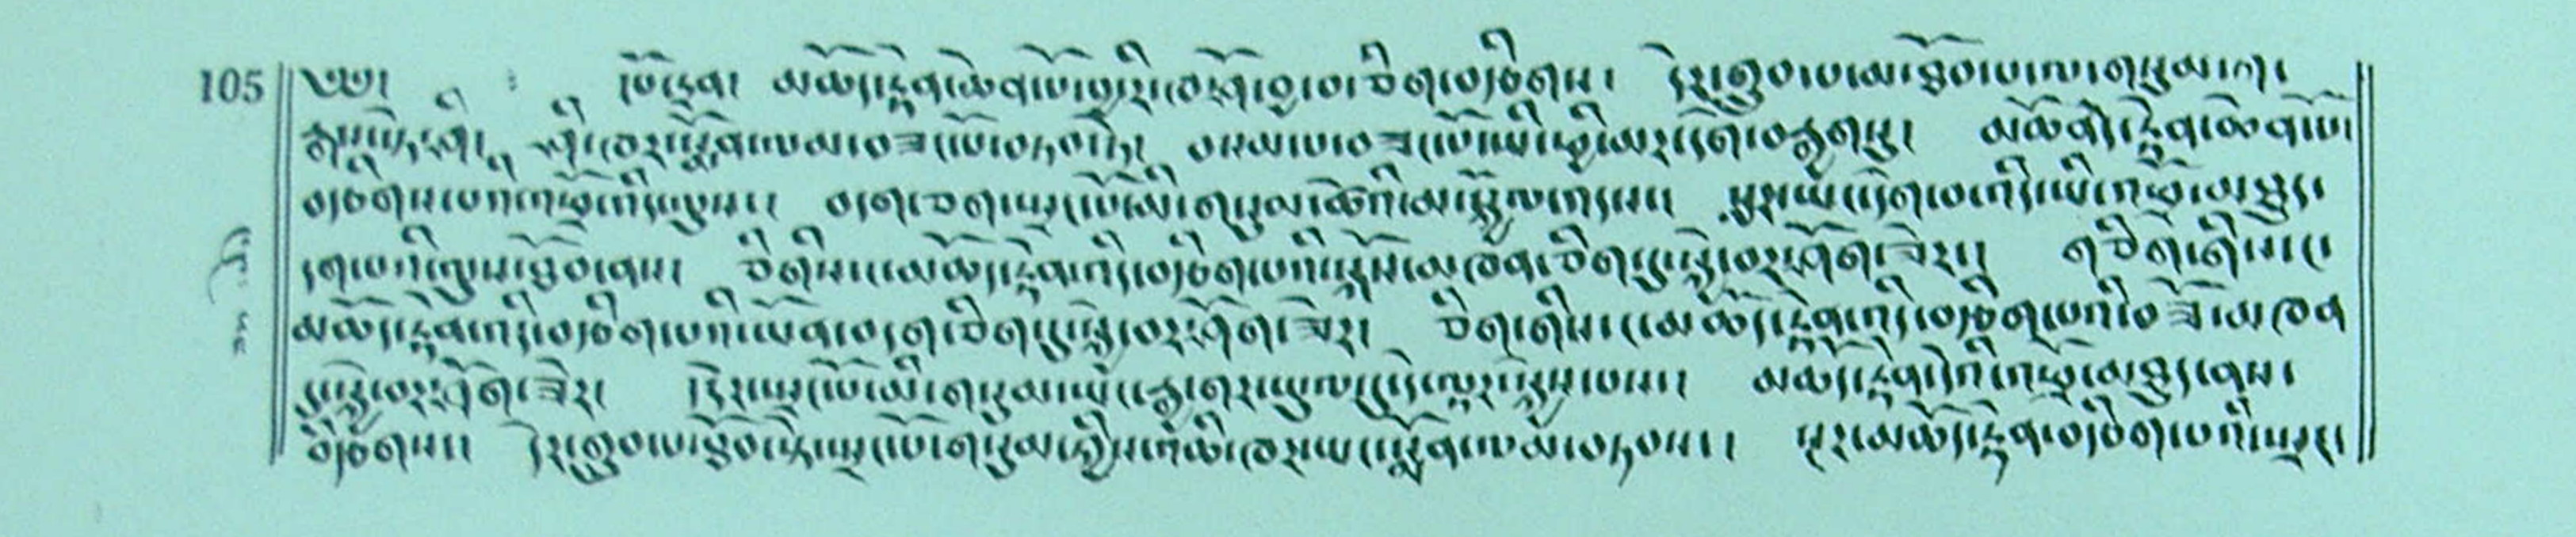༄༅། །པོ་དྲན། མཆོད་རྟེན་ཆེན་པོ་བྱ་རི་ཁ་ཤོ་བྱ་བ་གཅིག་བརྩིགས། དེར་གྲུབ་པ་མ་ཐོབ་པ་ལ་གསུམ་ཀ་
རྒས་ཏེ་ཤི། འཆི་ཁར་སྨོན་ལམ་བཟང་པོ་བཏབ་སྟེ། བསམ་པ་བཟང་པོ་ཕྱི་མར་དགེ་བརྒྱགས་སུ། མཆོད་རྟེན་ཆེན་པོ་
བརྩིགས་པའི་འཕྲོ་འདི་ལུས། བདག་ཅག་སྤྲང་པོ་མི་གསུམ་ཚེ་ཡིས་མ་སྐྱོལ་འདས། སླར་ཡང་དགེ་བ་འདིའི་འཕྲོ་མཐུད་
དག་པའི་ལུས་ཐོབ་ནས། གཅིག་གིས་ང་མཆོད་རྟེན་འདི་བརྩིགས་པའི་སྐོས་མཁན་གཅིག་ཏུ་སྐྱེ་བར་ཤོག་ཟེར། གཅིག་གིས་ང་
མཆོད་རྟེན་འདི་བརྩིགས་པའི་ཡོན་བདག་ཅིག་ཏུ་སྐྱེ་བར་ཤོག་ཟེར། གཅིག་གིས་ང་མཆོད་རྟེན་འདི་བརྩིགས་པའི་བཟོ་མཁན་
དུ་སྐྱེ་བར་ཤོག་ཟེར། དེར་སྤྲང་པོ་མི་གསུམ་ཡང་རྒྱ་གར་ཡུལ་དུ་དེ་ལྟར་སྐྱེ་བས། མཆོད་རྟེན་དེའི་འཕྲོ་མཐུད་ནས་
བརྩིགས། །དེར་གྲུབ་པ་ཐོབ་སྟེ་སྤྲང་བོ་གསུམ་གྱིས་འཆི་ཁར་ཡང་སྨོན་ལམ་བཏབས། སྔར་མཆོད་རྟེན་བརྩིགས་པའི་སྤྲང་